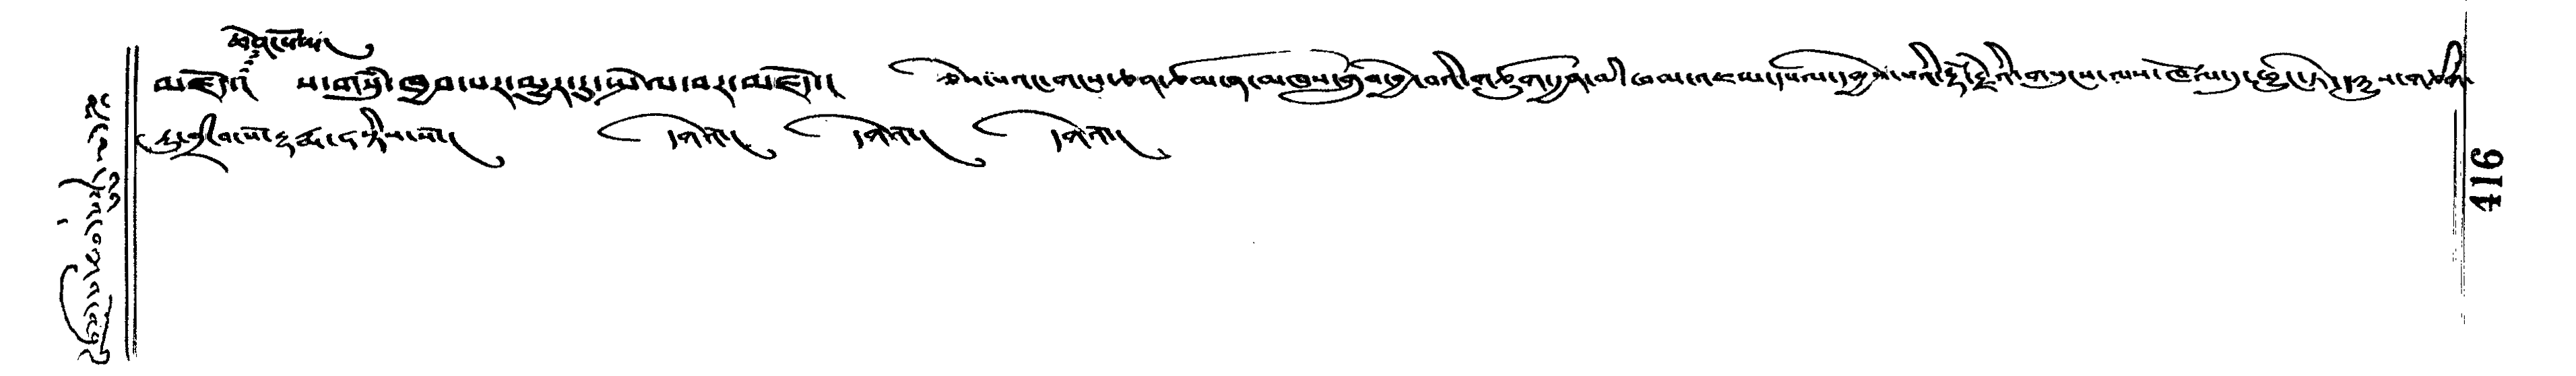མཛོད་ཆེན་པོས། །ས་གསུམ་ཁྱབ་པར་མྱུར་དུ་སྤེལ་བར་མཛོད། ཅེས་པའང་གངས་ཅན་ཙམ་ན་མཁས་གྲུབ་བྱེ་བའི་གཙུག་རྒྱན་མི་ཕམ་འཇམ་དཔལ་དགྱེས་པའི་རྡོ་རྗེའི་གསུང་ལས་ཁོལ་དུ་ཕྱུང་ཏེ་གཅིག་
ཏུ་འབྲི་བ་པོ་དྷརྨ་ཧསྟིས་སོ།། དགེའོ། དགེའོ། དགེའོ།